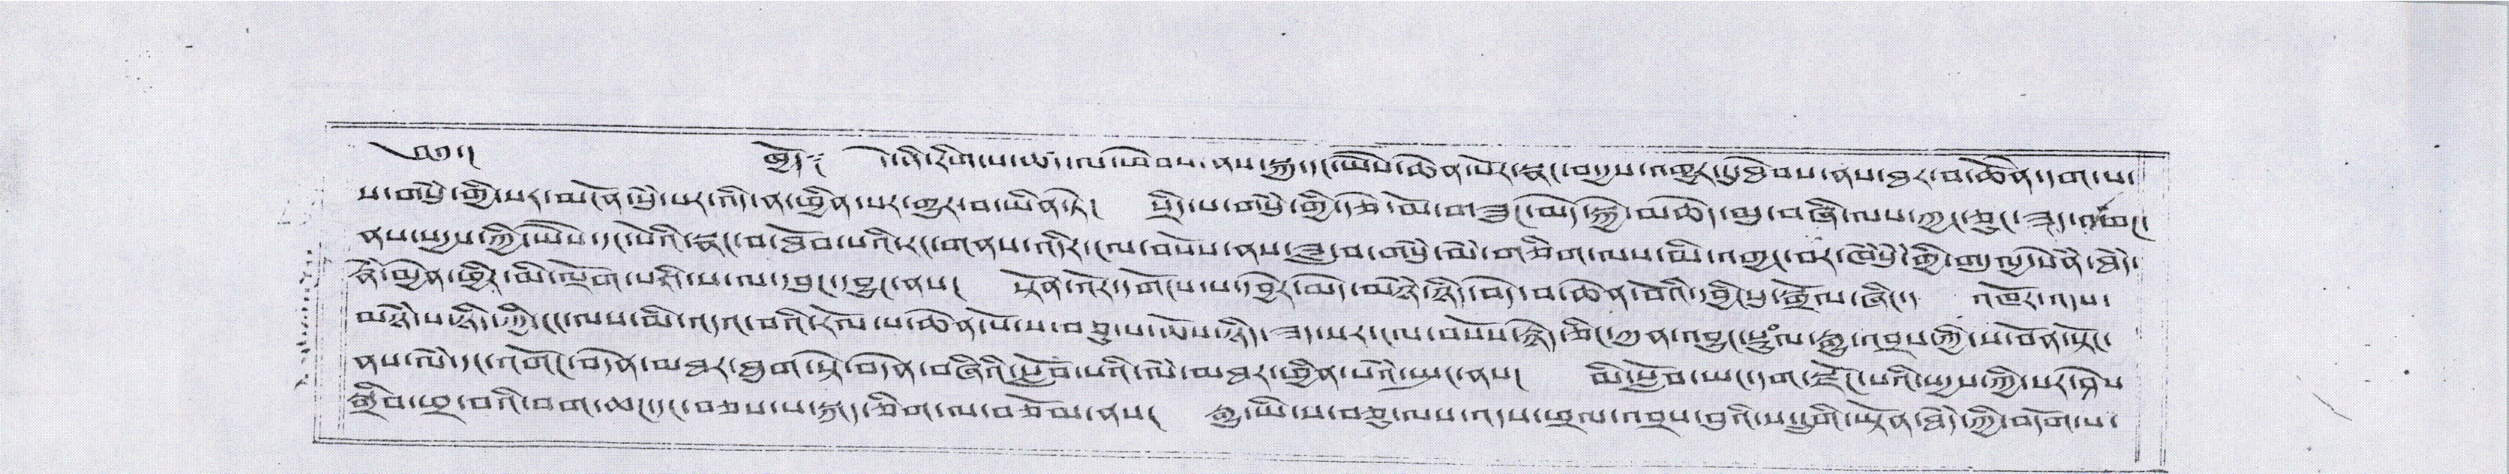ཁྱོད། དེ་ནི་རིག་པ་ཚ་ལ་ཕེབས་ནས་སྐུ་དང་ཡེ་ཤེས་ཆེན་པོར་སྣང་བ་རྒྱས་འགྱུར་དུ་ཐེབས་ནས་ཐར་པ་ཆེན་པོའི་དག་པ་
ས་གསུམ་གྱི་སར་མངོན་སུམ་པར་འདི་ན་ཕྱིན་པར་གྱུར་བ་ཡིན་ཏེ། སྲིད་པ་གསུམ་གྱི་རྩེ་མོ་གཟུགས་མེད་སྐྱེ་མཆེད་མུ་བཞི་ལས་ཀྱང་ཅུང་ཟད་འཕགས་
ནས་སངས་རྒྱས་ཀྱི་ཡེ་ཤེས་དང་པོའི་སྣང་བ་ཐོབ་པའི་རང་གནས་འདིར་ངལ་བསོས་ནས་ཟླ་བ་གསུམ་མམ་གཅིག་ལས་མི་འགྱང་བར་ཁམས་གསུམ་གྱི་གདུལ་བྱ་སེམས་ཅན་ཐམས་ཅད་
རྣམ་མཁྱེན་ཕྱིར་མི་ལྡོག་པའི་ས་ལ་དབུགས་དབྱུང་ནས། སྟོན་འཁོར་དགོངས་པ་དབྱེར་མེད་མཉམ་ཉིད་བདེ་བ་ཆེན་པོ་དབྱིངས་སུ་སྒྲོལ་ཞིང་། འཁོར་འདས་
མཉམ་པ་ཉིད་ཀྱི་ངང་ལས་མི་འདའ་བའི་རོལ་པ་ཆེན་པོ་ས་བཅུ་པ་ཆོས་ཉིད་ཟད་སར་ངལ་བསོས་རྙེད་ཅིང་ཀུན་འབྱུང་སྔུག་བསྔལ་རྒྱུ་འབྲས་ཀྱི་ས་བོན་སྟོང་
ནས་ལམ་དང་འགོང་བདེན་མཐར་ཐུག་སྟེ་བདེན་བཞིའི་སློབ་པའི་ལམ་མཐར་ཕྱིན་པའམ་སྤང་ནས། མི་སློབ་ཡང་དག་རྫོགས་པའི་སངས་རྒྱས་ཀྱི་སར་ཤེས་
སྒྲིབ་ཕྲ་བའི་བག་ཆགས་དང་བཅས་པ་སྐད་ཅིག་ལ་བཅོམ་ནས། རྒྱུ་ཡི་ས་བཅུ་ལས་འདས་ཕྲལ་འབྲས་བུའི་ས་དྲུག་གི་ཡོན་ཏན་ཐམས་ཅད་ཀྱི་བདོག་པ་